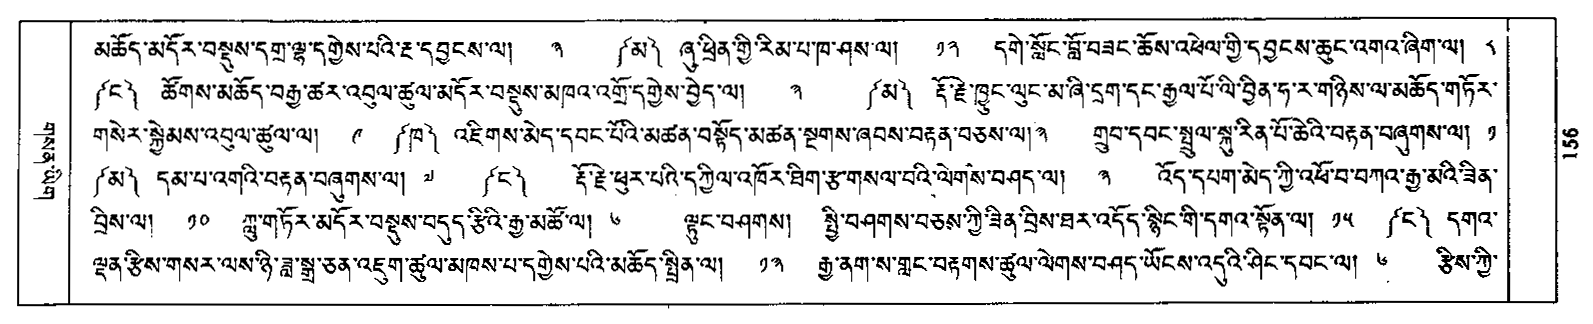མཆོད་མདོར་བསྡུས་དགྲ་ལྷ་དགྱེས་པའི་རྔ་དབྱངས་ལ། ༣་མ྄་ཞུ་ཕྲིན་གྱི་རིམ་པ་ཁ་ཤས་ལ། ༡༢་དགེ་སློང་བློ་བཟང་ཆོས་འཕེལ་གྱི་དབྱངས་ཆུང་འགའ་ཞིག་ལ། ༨
༼ང྄་ཚོགས་མཆོད་བརྒྱ་ཚར་འབུལ་ཚུལ་མདོར་བསྡུས་མཁའ་འགྲོ་དགྱེས་བྱེད་ལ། ༣་༽མ྄་རྡོ་རྗེ་ཁྱུང་ལུང་མ་ཞི་དྲག་དང་རྒྱལ་པོ་ལི་བྱིན་ཧ་ར་གཉིས་ལ་མཆོད་གཏོར་
གསེར་སྐྱེམས་འབུལ་ཚུལ་ལ། ༩་ཁ྄་འཇིགས་མེད་དབང་པོའི་མཚན་བསྟོད་མཚན་སྔགས་ཞབས་བརྟན་བཅས་ལ། ༣་གྲུབ་དབང་སྤྲུལ་སྐུ་རིན་པོ་ཆེའི་བརྟན་བཞུགས་ལ། ༡
༼མ྄་དམ་པ་འགའི་བརྟན་བཞུགས་ལ། ༧་༽ང྄་རྡོ་རྗེ་ཕུར་པའི་དཀྱིལ་འཁོར་ཐིག་རྩ་གསལ་བའི་ལེགས་བཤད་ལ། ༣་འོད་དཔག་མེད་ཀྱི་འཕོ་བ་བཀའ་རྒྱ་མའི་ཟིན་
བྲིས་ལ། ༡༠་ཀླུ་གཏོར་མདོར་བསྡུས་བདུད་རྩིའི་རྒྱ་མཚོ་ལ། ༦་ལྟུང་བཤགས། སྤྱི་བཤགས་བཅས་ཀྱི་ཟིན་བྲིས་ཐར་འདོད་སྙིང་གི་དགའ་སྟོན་ལ། ༡༥་ང྄་དགའ་
ལྡན་རྩིས་གསར་ལས་ཉི་ཟླ་སྒྲ་ཅན་འཇུག་ཚུལ་མཁས་པ་དགྱེས་པའི་མཆོད་སྤྲིན་ལ། ༡༣་རྒྱ་ནག་ས་གླང་བརྟགས་ཚུལ་ལེགས་བཤད་ཡོངས་འདུའི་ཤིང་དབང་ལ། ༦་རྩིས་ཀྱི་